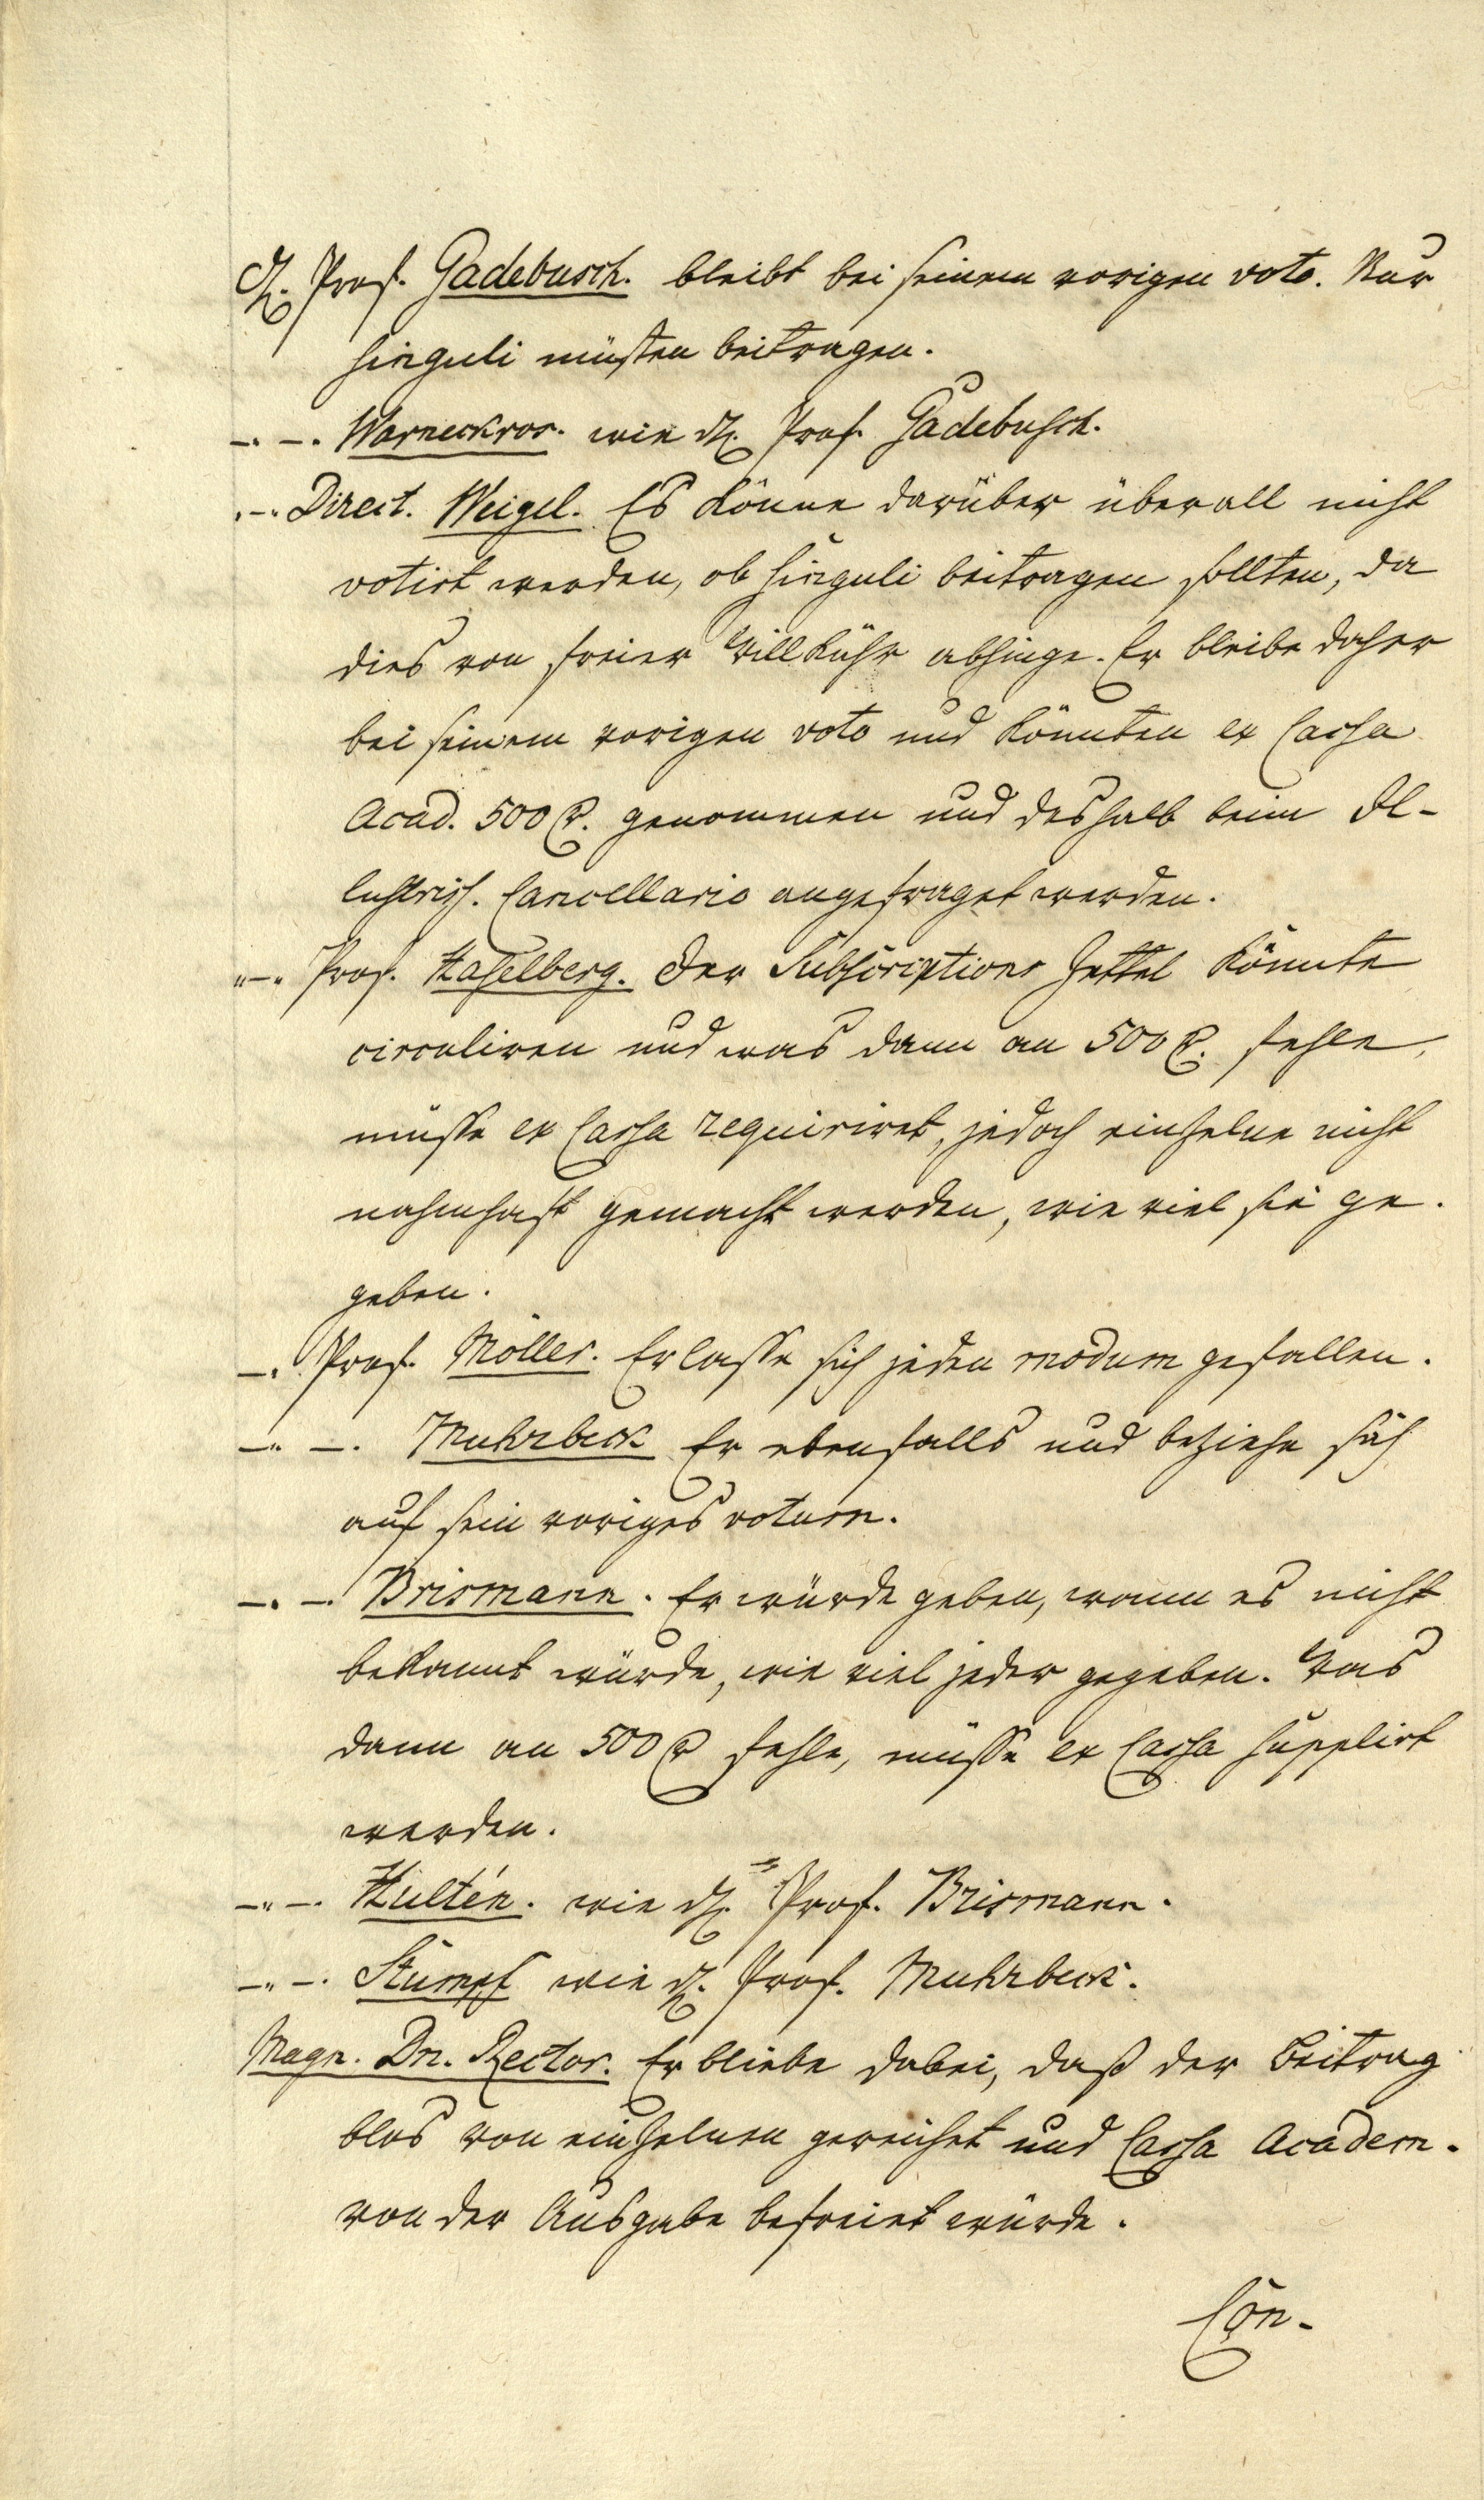dh. Prof. Gadebusch. bleibt bei seinem vorigen voto. Nur
singuli müßten beitragen.
- " - " Warneckros. wie dh. Prof. Gadebusch.
" - " Direct. Weigel. Es könne darüber überall nicht
votirt werden, ob singuli beitragen sollten, da
dies von seiner Willkühr abhinge. Er bleibe daher
bei seinem vorigen voto und könnten ex Cassa
Acad. 500 rtl. genommen und deshalb beim Il-
lustriss. Cancellario angefraget werden.
" - " Prof. Haselberg. Der Subscriptions Zettel könnte
circuliren und was dann an 500 rtl. fehle,
müsse ec Cassa requiriret, jedoch einzelne nicht
nahmhaft gemacht werden, wie viel sie ge-
geben.
- " Prof. Möller. Er lasse sich jeden modum gefallen.
- " - . Muhrbeck Er ebenfalls und beziehe sich
auf sein voriges votum.
- " - . Brismann. Er würde geben, wann es nicht
bekannt würde, wie viel jeder gegeben. Was
dann an 500 rtl. fehle, müsse ex Cassa supplirt
werden.
- " - . Hultén. wie dh. Prof. Brismann.
- " - . Stumpf wie dh. Prof. Muhrbeck.
Magn. Dn. Rector. Er bliebe dabei, daß der Beitrag
blos von einzelnen gereichet und Cassa Academ.
von der Ausgabe befreiet würde.
Con-